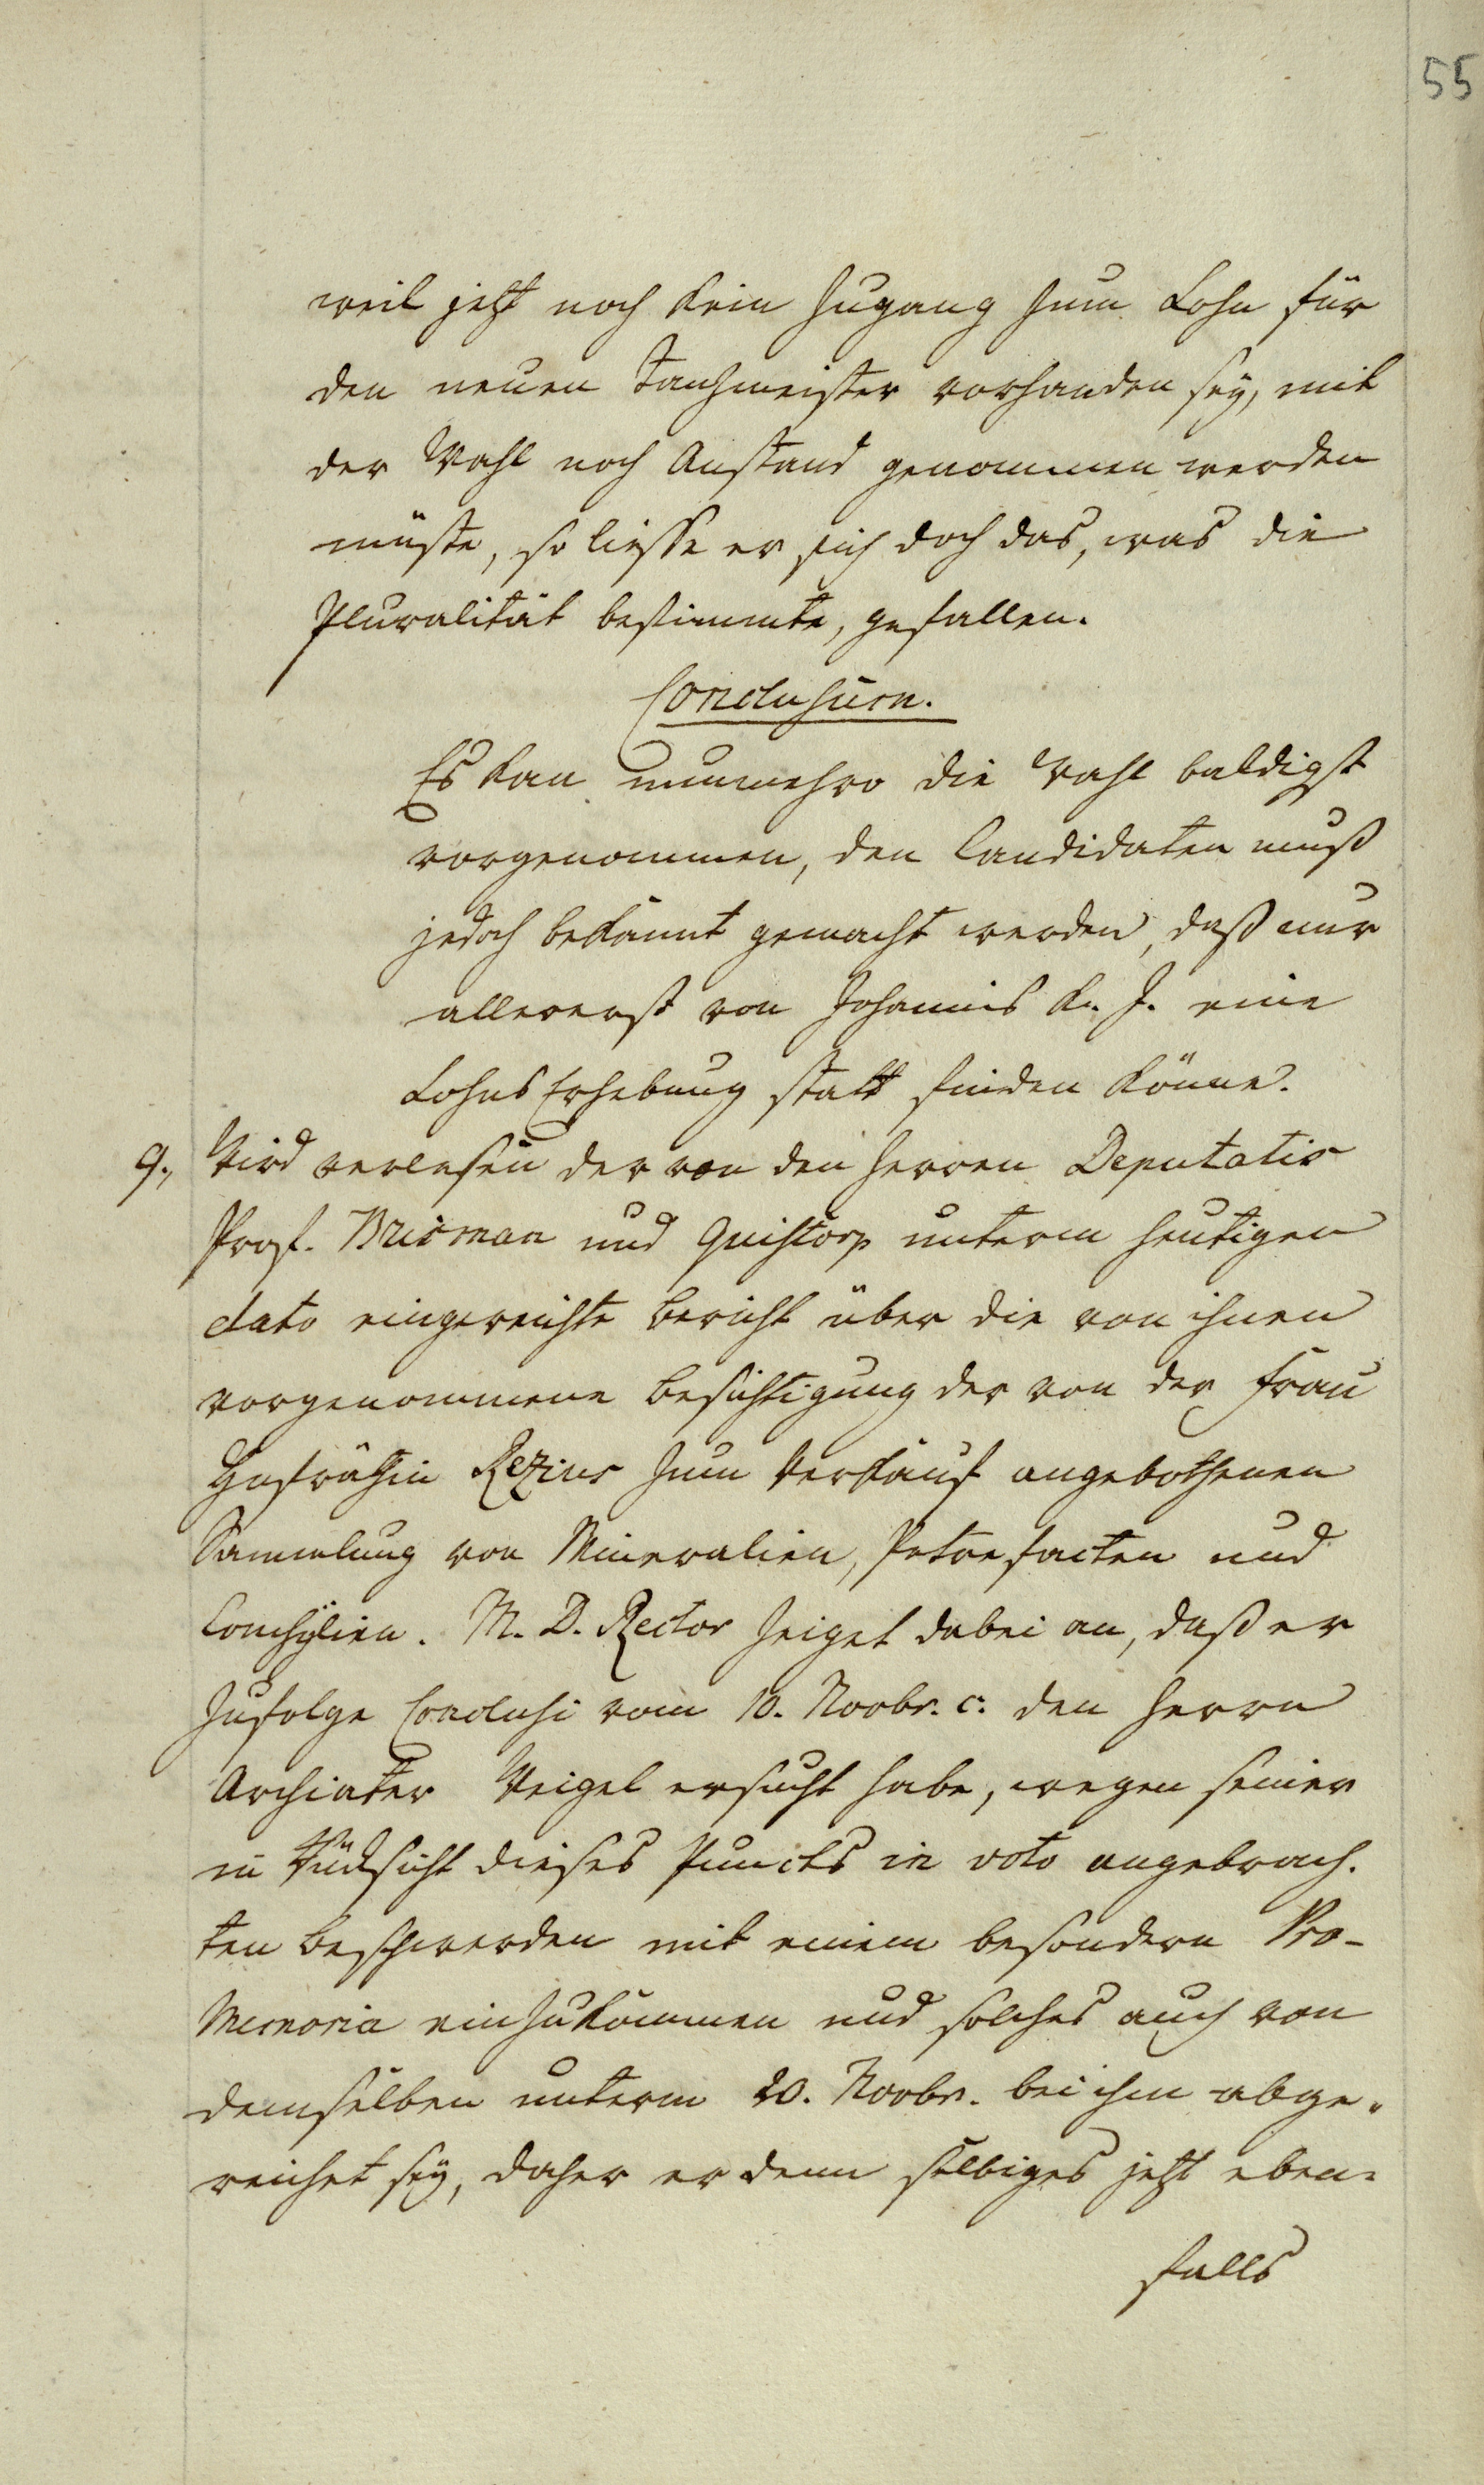weil jetzt noch kein Zugang zum Lohn für
den neuen Tanzmeister vorhanden seÿ, mit
der Wahl noch Anstand genommen werden
müßte, so liesse er sich doch das, was die
Pluralität bestimmte, gefallen.
Conclusum.
Es kan nunmehro die Wahl baldigst
vorgenommen, den Candidaten muß
jedoch bekannt gemacht werden, daß nur
allererst von Johannis k. J. eine
Lohns Erhebung statt finden könne.
9. Wird verlesen der von dem Herren Deputatis
Prof. Brisman und Quistorp unterm heutigen
dato eingereichte Bericht über die von ihnen
vorgenommene Besichtigung der von der Frau
Hofräthin Rezius zum Verkauf angebothenen
Sammlung von Mineralien, Petrefacten und
Conchylien. M. D. Rector zeiget dabei an, daß er
zufolge Conclusi vom 10. Novbr. c. den Herrn
Archiater Weigel ersucht habe, wegen seiner
in Rücksicht dieses Puncts in voto angebrach¬
ten Beschwerden mit einem besondern Pro¬
Memora einzukommen und solches auch von
demselben unterm 20. Novbr. bei ihm abge¬
reichet seÿ, daher er denn selbiges jetzt eben¬
falls